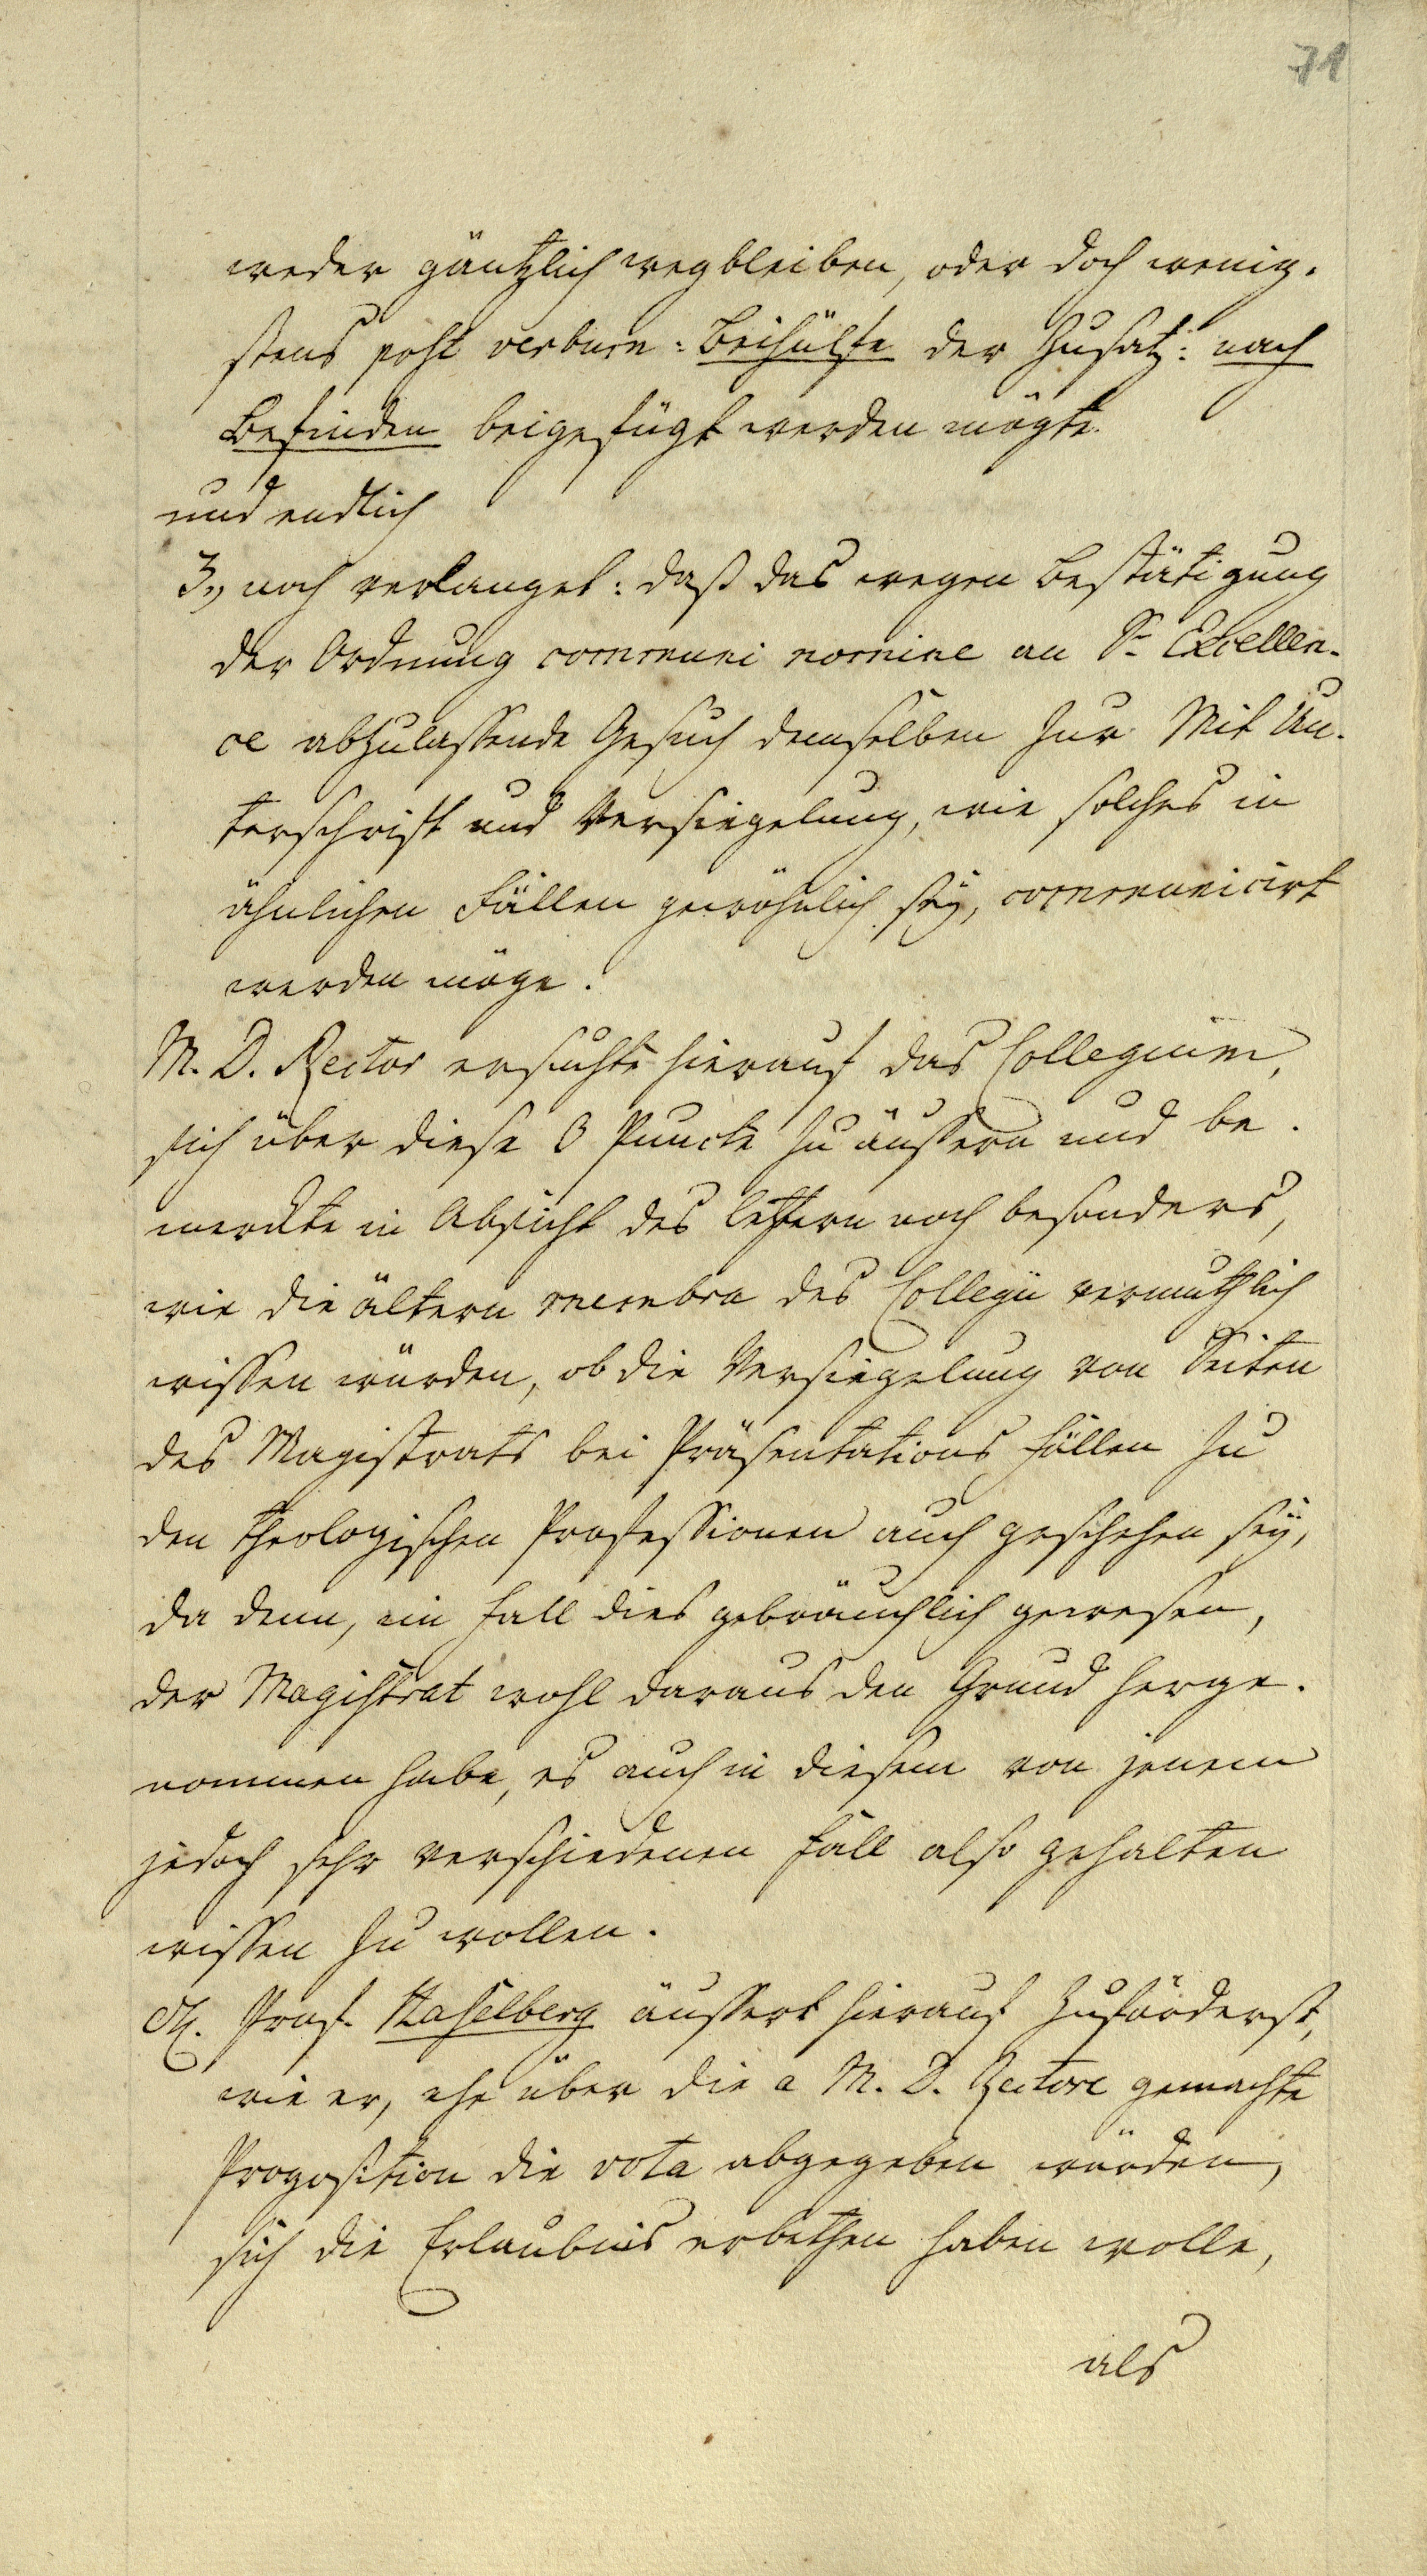weder gäntzlich weg bleiben, oder doch wenig¬
stens post verbum: Beihülfe der Zusatz: nach
Befinden beigefügt werden mögte.
und endlich
3., noch verlanget: daß das wegen Bestätigung
der Ordnung communi nomine an Sr Excellen¬
ce abzulassende Gesuch demselben zur Mit Un
terschrift und Versiegelung, wie solches in
ähnlichen Fällen gewöhnlich seÿ, communicirt
werden möge.
M. D. Rector ersuchte hierauf das Collegium,
sich über diese 3 Puncte zu äussern und be¬
merckte in Absicht des letztern noch besonders,
wie die ältern membra des Collegii vermuthlich
wissen würden, ob die Versiegelung von Seiten
des Magistrats bei Präsentations Fällen zu
den Theologischen Professionen auch geschehen seÿ,
da denn, im Fall dies gebräuchlich gewesen,
der Magistrat wohl daraus den Grund herge¬
nommen habe, es auch in diesem von jenem
jedoch sehr verschiedenen Fall also gehalten
wissen zu wollen.
dh. Prof. Haselberg äussert hierauf zuförderst,
wie er, ehe über die a M. D. Rectore gemachte
Proposition die vota abgegeben würden,
sich die Erlaubnis erbethen haben wolle,
als